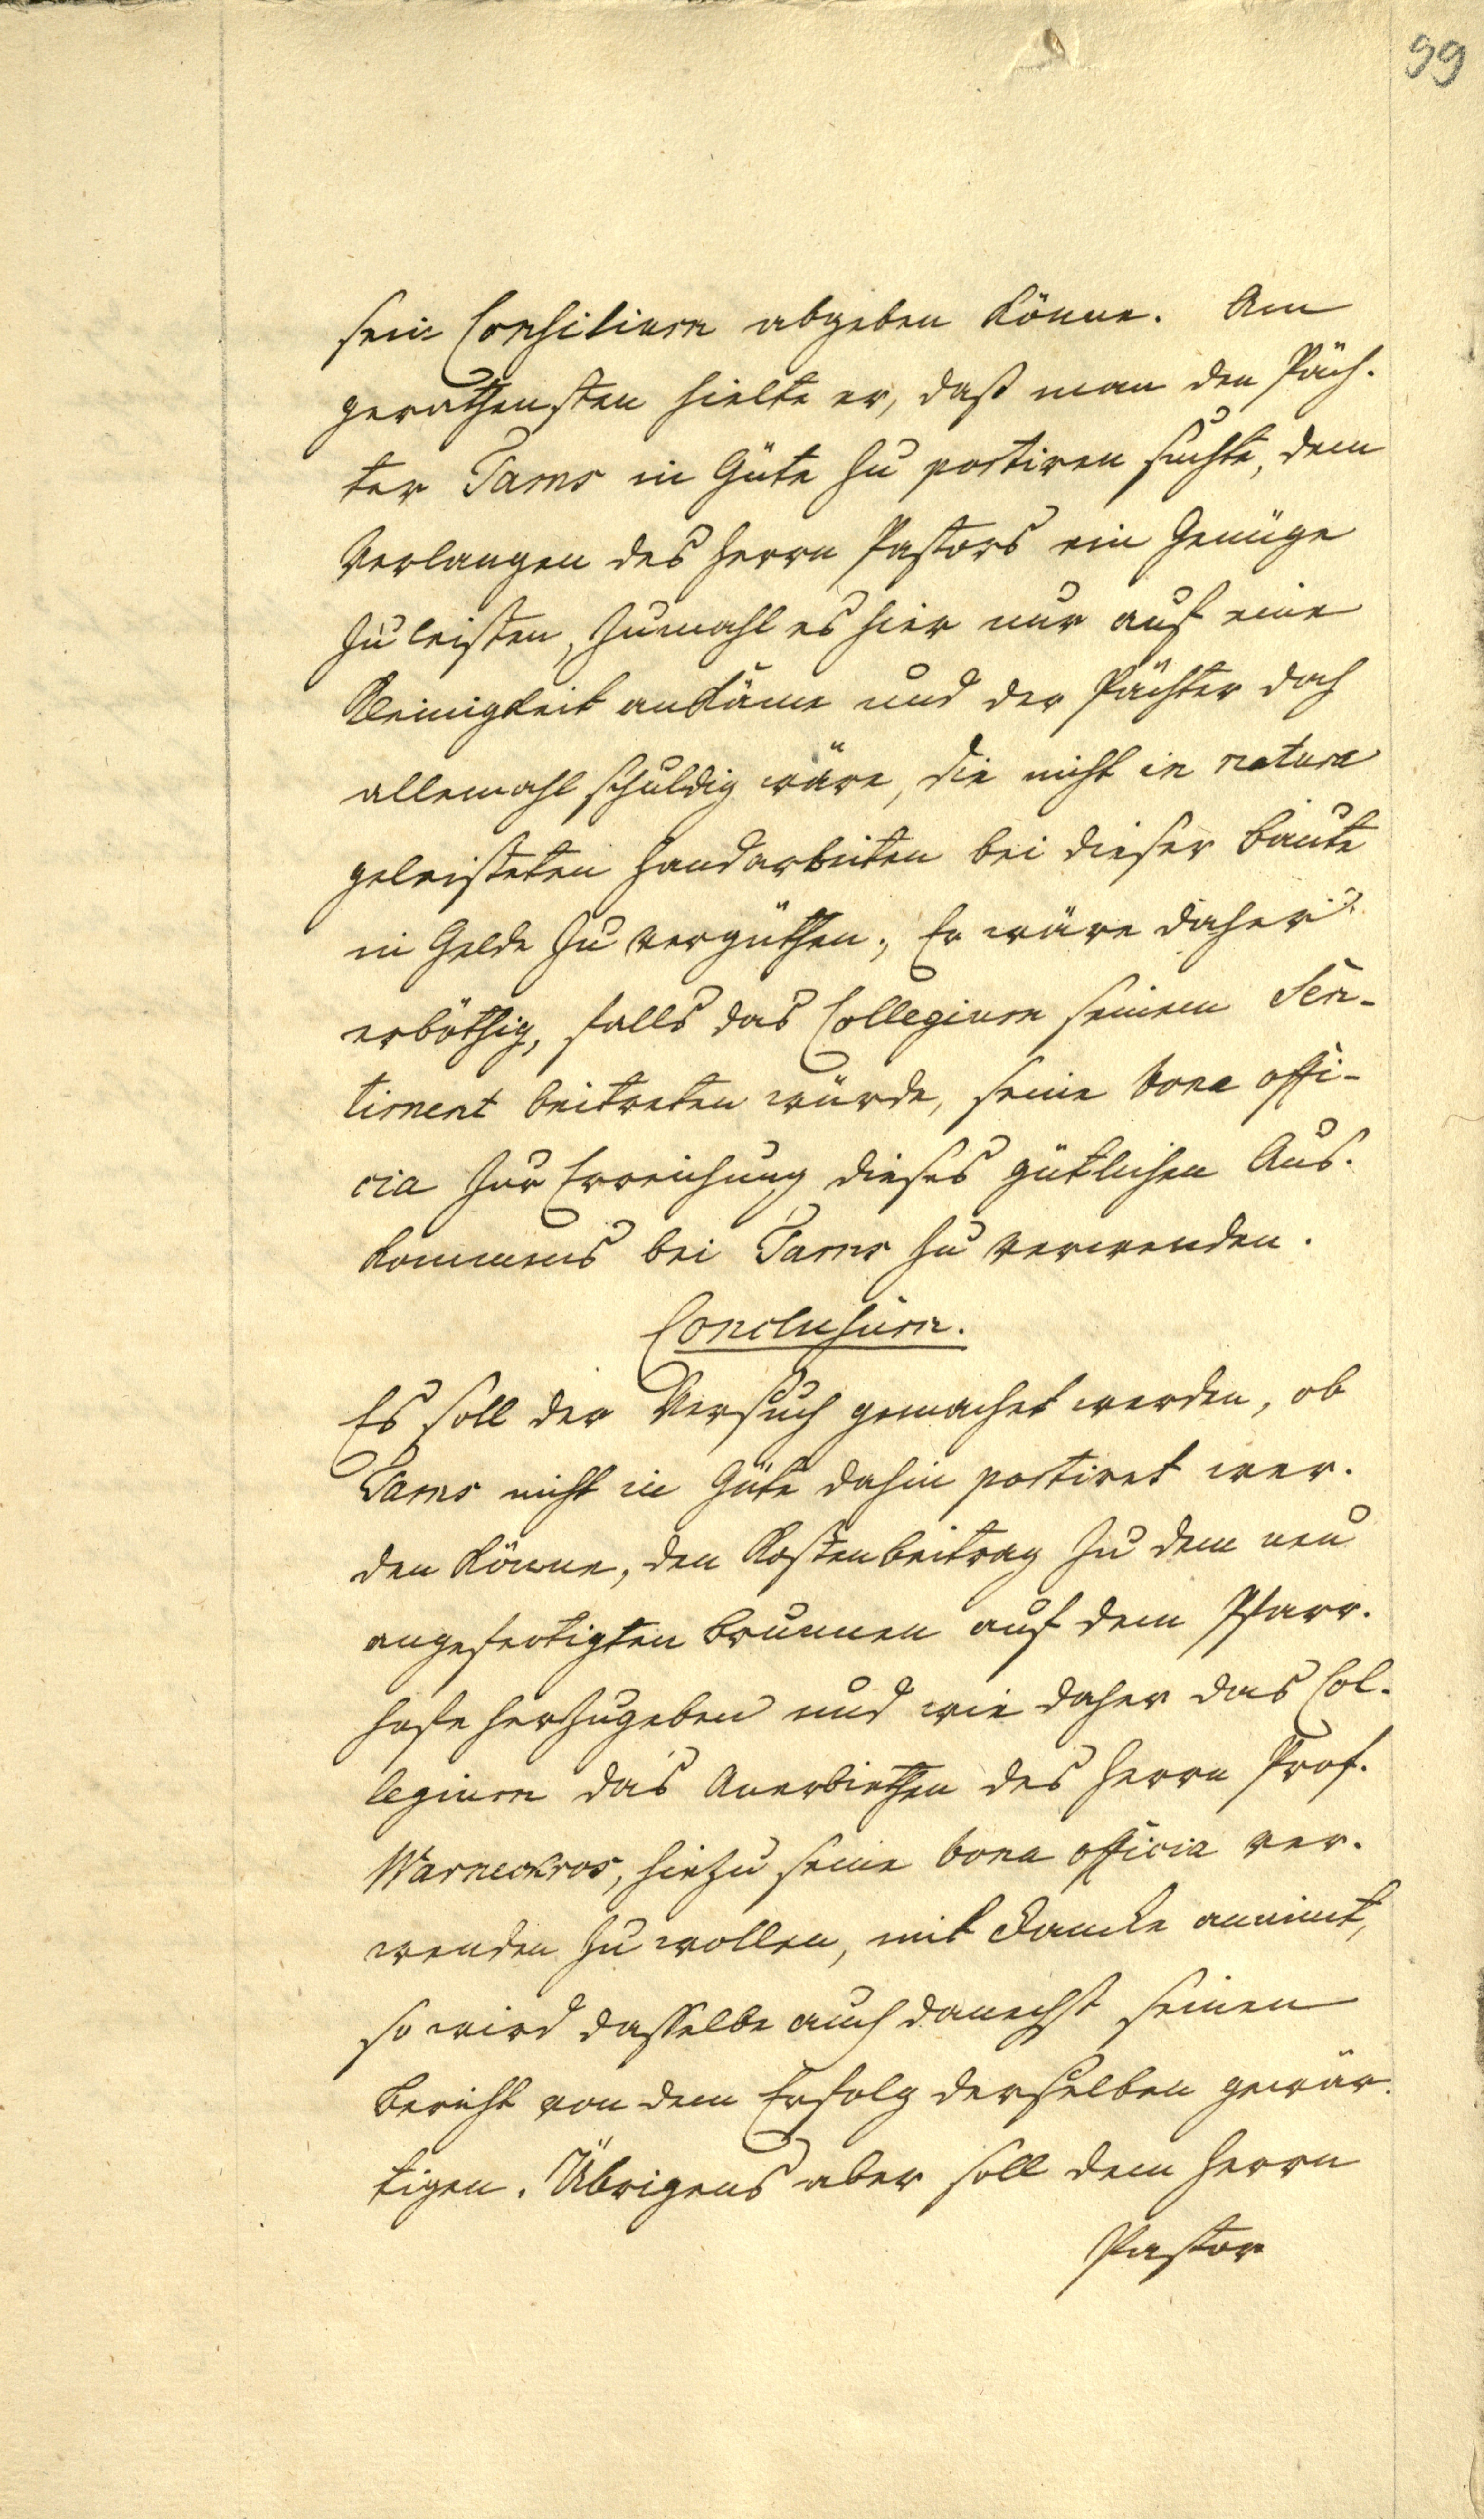sein Consilium abgeben könne. Am
gerathensten hielte er, daß man den Päch¬
ter Tams in Güte zu portiren suchte, dem
Verlangen des Herrn Pastors ein Genüge
zu leisten, zumahl es hier nur auf eine
Kleinigkeit ankäme und der Pächter doch
allemahl schuldig wäre, die nicht in natura
geleisteten Handarbeiten bei dieser Baute
in Gelde zu vergüthen; Er wäre daher
erböthig, falls das Collegium seinem Sen¬
timent beitreten würde, seine von offi¬
cia zur Erreichung dieses gütlichen Aus¬
kommens bei Tams zu verwenden.
Conclusum.
Es soll der Vorsuch gemachet werden, ob
Tams nicht in Güte dahin portiret wer¬
den könne, den Kostenbeitrag zu dem neu
angefertigten Brunnen auf dem Pfarr¬
hofe herzugeben und wie daher das Col¬
legium das Anerbiethen des Herrn Prof.
Warneckros, hiezu seine bona officia ver¬
wenden zu wollen, mit Dancke annimt,
so wird dasselbe auch danechst seinen
Bericht von dem Erfolg derselben gewär¬
tigen. Übrigens aber soll dem Herrn
Pastor